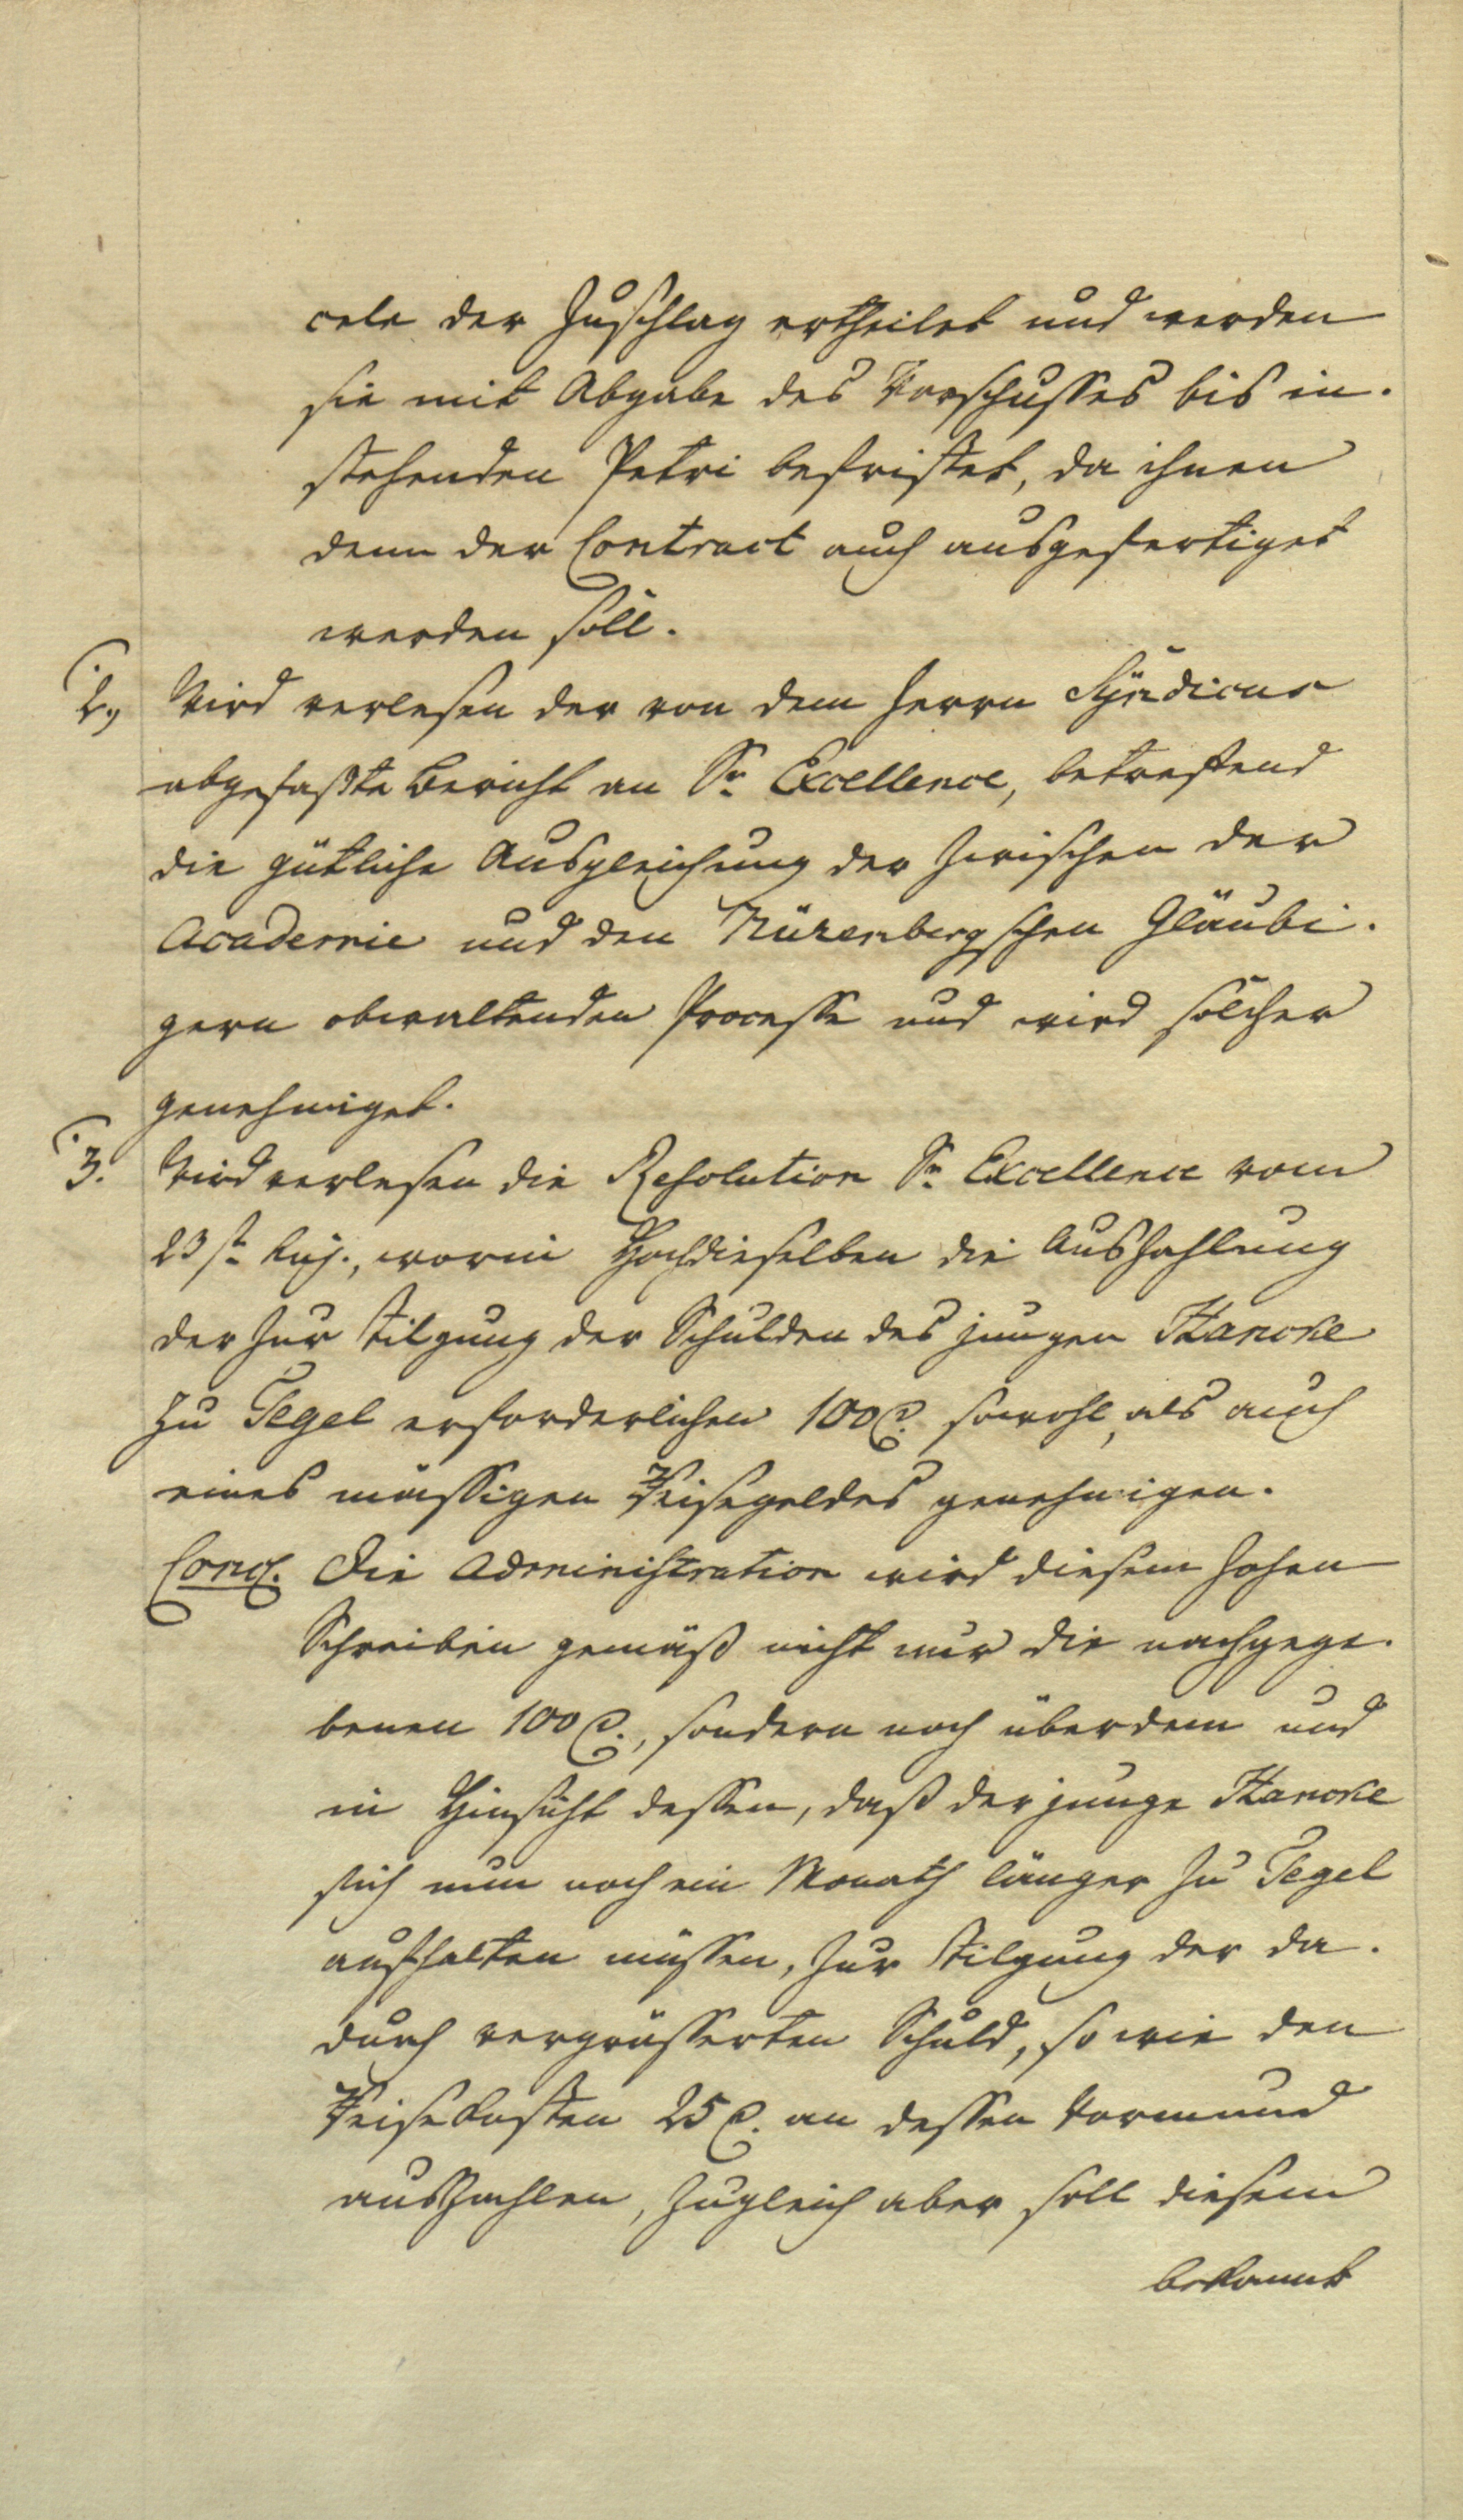cele der Zuschlag ertheilet und werden
sie mit Abgabe des Vorschusses bis in¬
stehenden Petri befristet, da ihnen
denn der Contract auch ausgefertiget
werden soll.
2., Wird verlesen der von dem Herrn Sÿndicus
abgefaßte Bericht an Sr Excellence, betreffend
die gütliche Ausgleichung der zwischen der
Academie und dem Nürenbergschen Gläubi¬
gern obwaltenden Processe und wird solcher
genehmiget.
3. Wird verlesen die Resolution Sr Excellence vom
23 st huj., worin Hochdieselben die Auszahlung
der zur Tilgung der Schulden des jungen Hancke
zu Tegel erforderlichen 100 l. sowohl, als auch
eines mäßigen Reisegeldes genehmigen.
Concl. Die Administration wird diesem Hohen
Schreiben gemäß nicht nur die nachgege¬
benen 100 l., sondern noch überdem und
in Hinsicht dessen, daß der junge Hancke
sich nun noch ein Monath länger zu Tegel
aufhalten müssen, zur Tilgung der da¬
durch vergrösserten Schuld, so wie den
Reisekosten 25 l. an dessen Vormund
auszahlen, zugleich aber soll diesem
bekannt